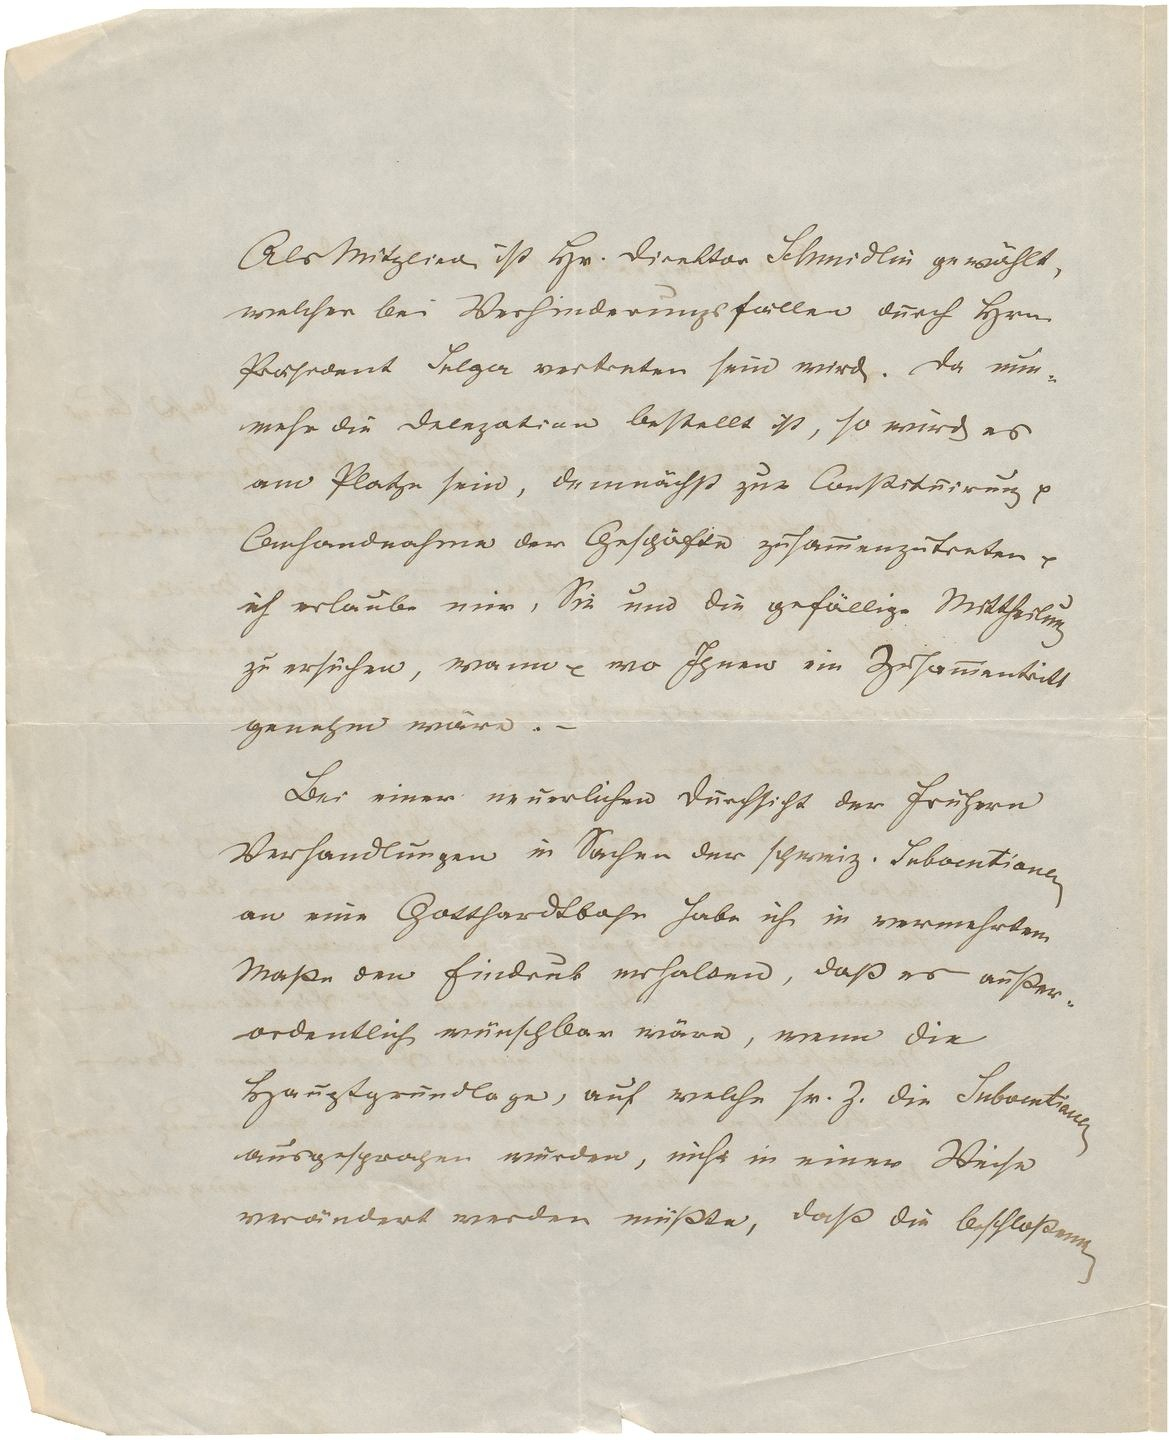Als Mitglied ist Hr. Direktor Schmidlin gewählt,
welcher bei Verhinderungsfällen durch Hrn
Präsident Sulger vertreten sein wird. Da nun-
mehr die Delegation bestellt ist, so wird es
am Platze sein, demnächst zur Constituirung &
Anhandnahme der Geschäfte zusammenzutreten &
ich erlaube mir, Sie um die gefällige Mittheilung
zu ersuchen, wann & wo Ihnen ein Zusammentritt
genehm wäre. –
Bei einer neuerlichen Durchsicht der frühern
Verhandlungen in Sachen der schweiz. Subventionen
an eine Gotthardtbahn habe ich in vermehrtem
Maße den Eindruk erhalten, daß es außer-
ordentlich wünschbar wäre, wenn die
Hauptgrundlage, auf welche sr. Z. die Subventionen
ausgesprochen wurden, nicht in einer Weise
verändert werden müßte, daß die beschloßenen